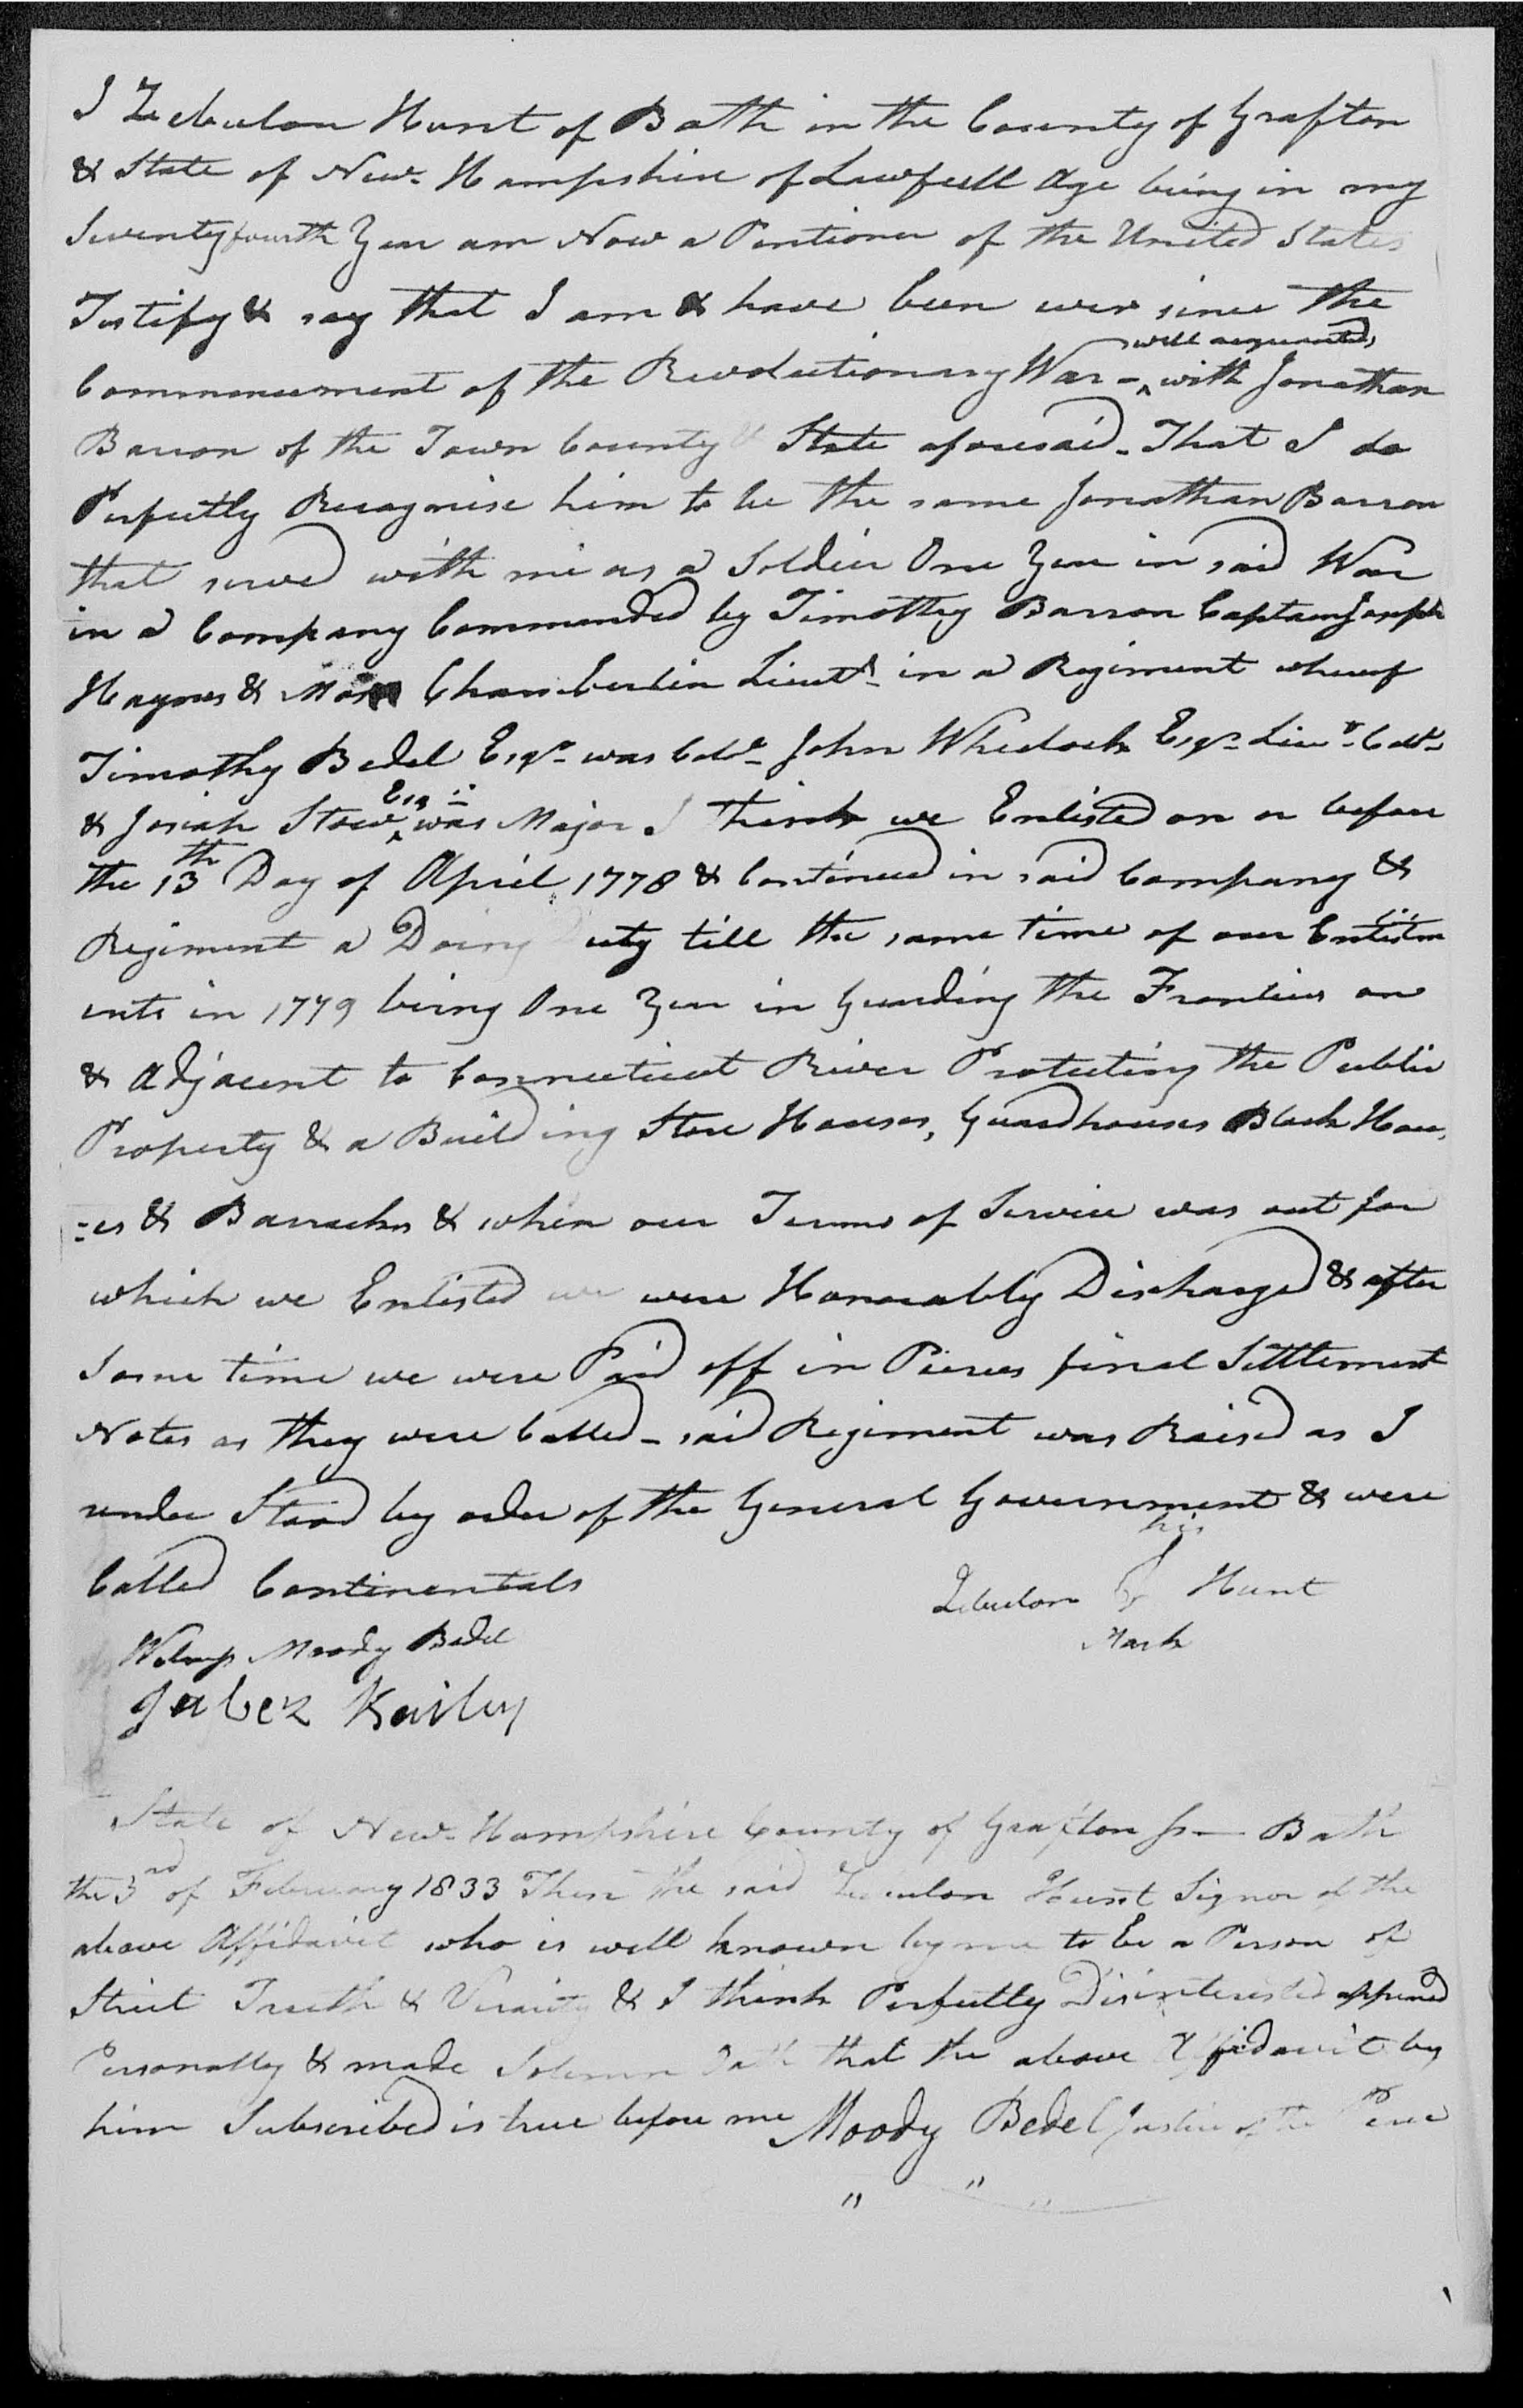I Zebulon Hunt of Bath in the County of Grafton & State of New. Hampshire of Lawfull age being in my Seventy fourth year and Now a Pentioner of the United States Testify & say that I am & have been ever sine the Commencement of the Revolutionary War well acquainted with Jonathan Barron of the Town County & State aforesaid. That I do Perfectly Recognise him to the same Jonathan Barron that served with me as a Soldier One Year in said War in a company Commanded by Timothy Barron Captain Joseph Haynes & Moses Chamberlain Lieut in a Regiment whereof Timothy Bedel Esqr was Col'o John Wheelock Esqr Lieut & Col'o & Joseph Stowe Esq was Major I think we Enlisted on or before the 13th Day of April 1778 & continued in said company & Regiment a Doing Duty till the same time of our Enlistments in 1779 being One Year in guarding the Frontiers on & adjacent to Connecticut River Protecting the Public Property & a Building Stone Houses, Guardhouses Block Houses & Barracks & when our Terms of Service was out for which we Enlisted we were Honorably Discharged & after some time we were Paid off in Pierce's final Settlement Notes as they were called - said Regiment was Raised as I under Stood by order of the General Government & were Called Continentals
/s/X his mark Zebulon Hunt
Witness
/s/Moody Bedel
/s/Jabez Kailey
State of New Hampshire County of Grafton ss - Bath the 3rd of February 1833 then the said Zebulon Hunt Signor of the above Affidavit who is well known by me to be a Person of Strict Truth & Veracity & I think Perfectly Disinterested appeared Personally & made Solemn Oath that the above Affidavit by him Subscribed is true before me
/s/Moody Bedel Justice of the Peace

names: Zebulon Hunt, Moody Bedel, Zebulon Hunt, Joseph Haynes, John Wheelock, Moses Chamberlin, Jonathan Barron, Jonathan Barron, Timothy Bedel, Moody Bedel, Zebulon Hunt, Josiah Stow, Jabez Kailey, Timothy Barron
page: 13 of 25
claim: survivor's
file: S. 28986, Jonathan Barron, N.H.